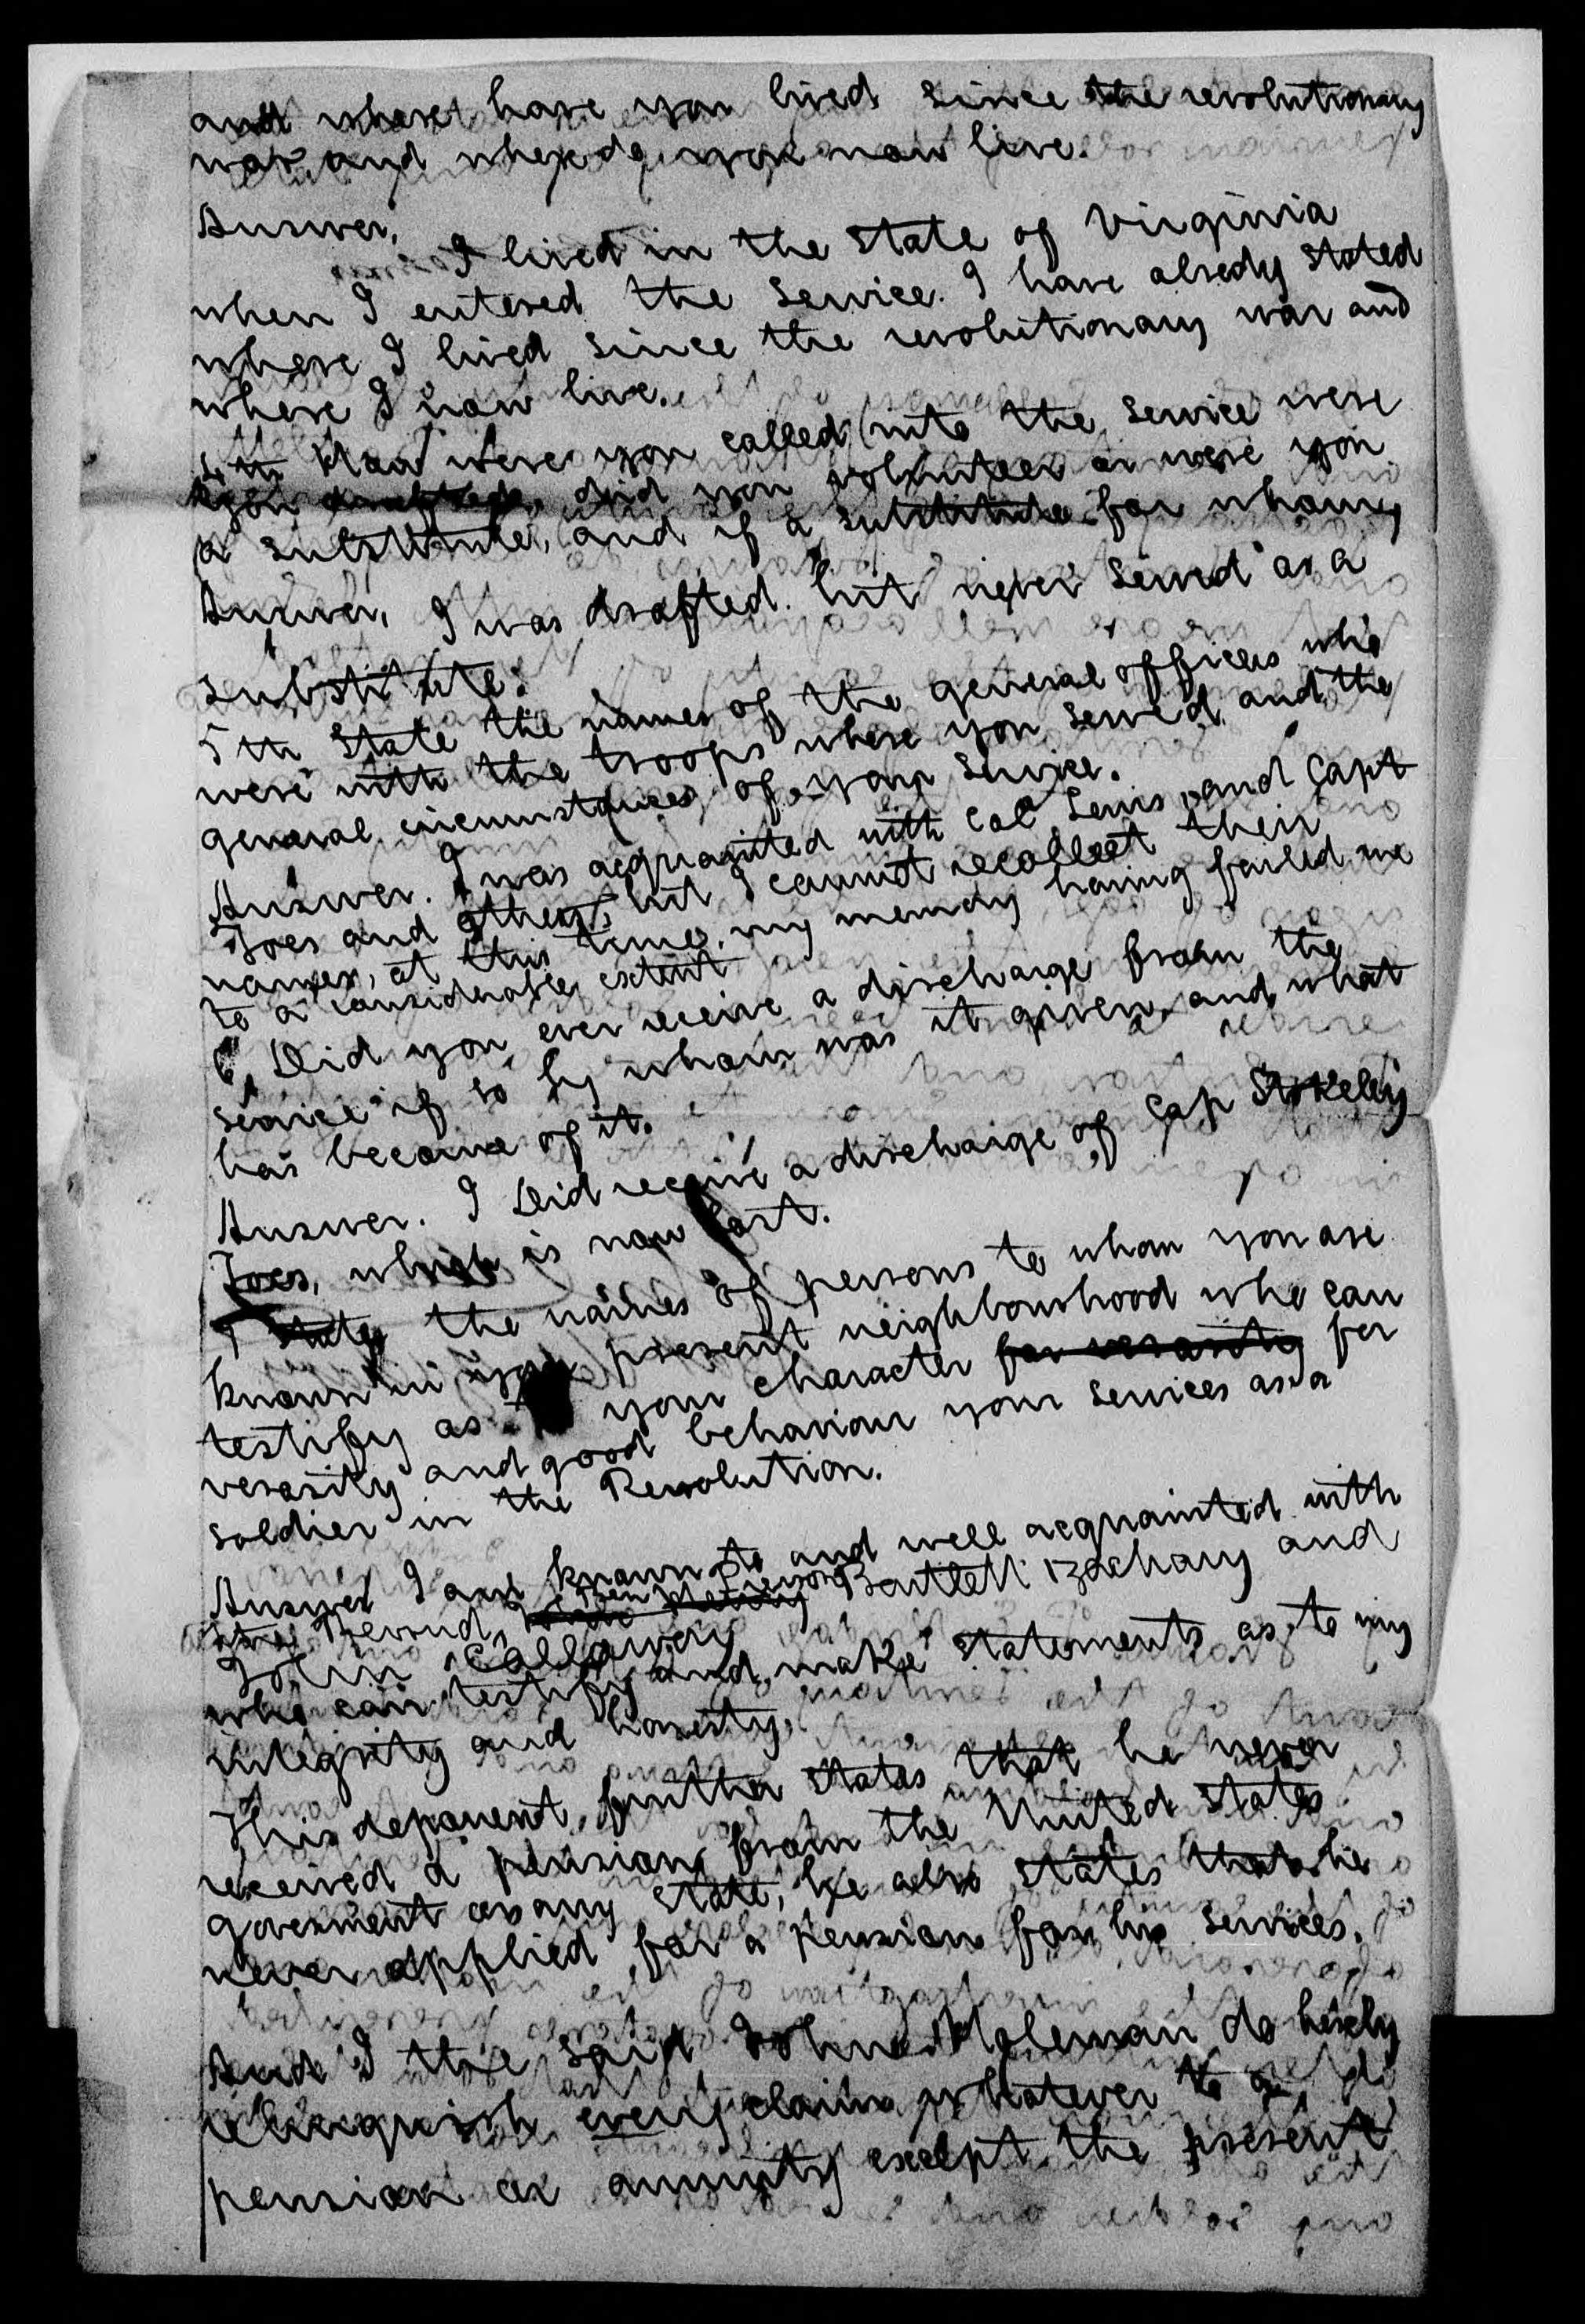and where have you lived since the revolutionary war and where do you now live.
Answer. I lived in the state of Virginia when I entered the service. I have already stated where I lived since the revolutionary war and where I now live.

4th How were you called into the service [illegible] did you volunteer or were you a [illegible] and if a [illegible] for [illegible].
Answer. I was drafted but never served as a [illegible].

5th State the names of the general officers who were with the troops where you served and the general [illegible] of your [illegible].
Answer. I was [acquainted?] with Col. Louis and Capt. Toes and others, but I cannot recollect their names at this time, my memory having failed me to a considerable extent.

6th Did you ever receive a [illegible] of cap. Stokeley Toes, which is now [illegible].
[illegible] the names of persons to whom you are known in your [illegible] [scribbled out] for [illegible] and good behavior your services as a soldier in the Revolution.
Answer. I am known to and well acquainted with [illegible], Zachary and [illegible] Calloway
who can testify and make statements as to my integrity and honesty.

This [department?]  further states that he never received a pension from the United States government or any state. he also states that he never applied for a pension for his services [illegible] of the [illegible] do hereby relinquish every claim [illegible] pension or annuity except the present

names: John Callaway, Stokeley Toes, Toes, John Holeman, Bartlett Zachary, Lewis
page: 6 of 30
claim: survivor's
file: S. 31753, John Holman, Va.